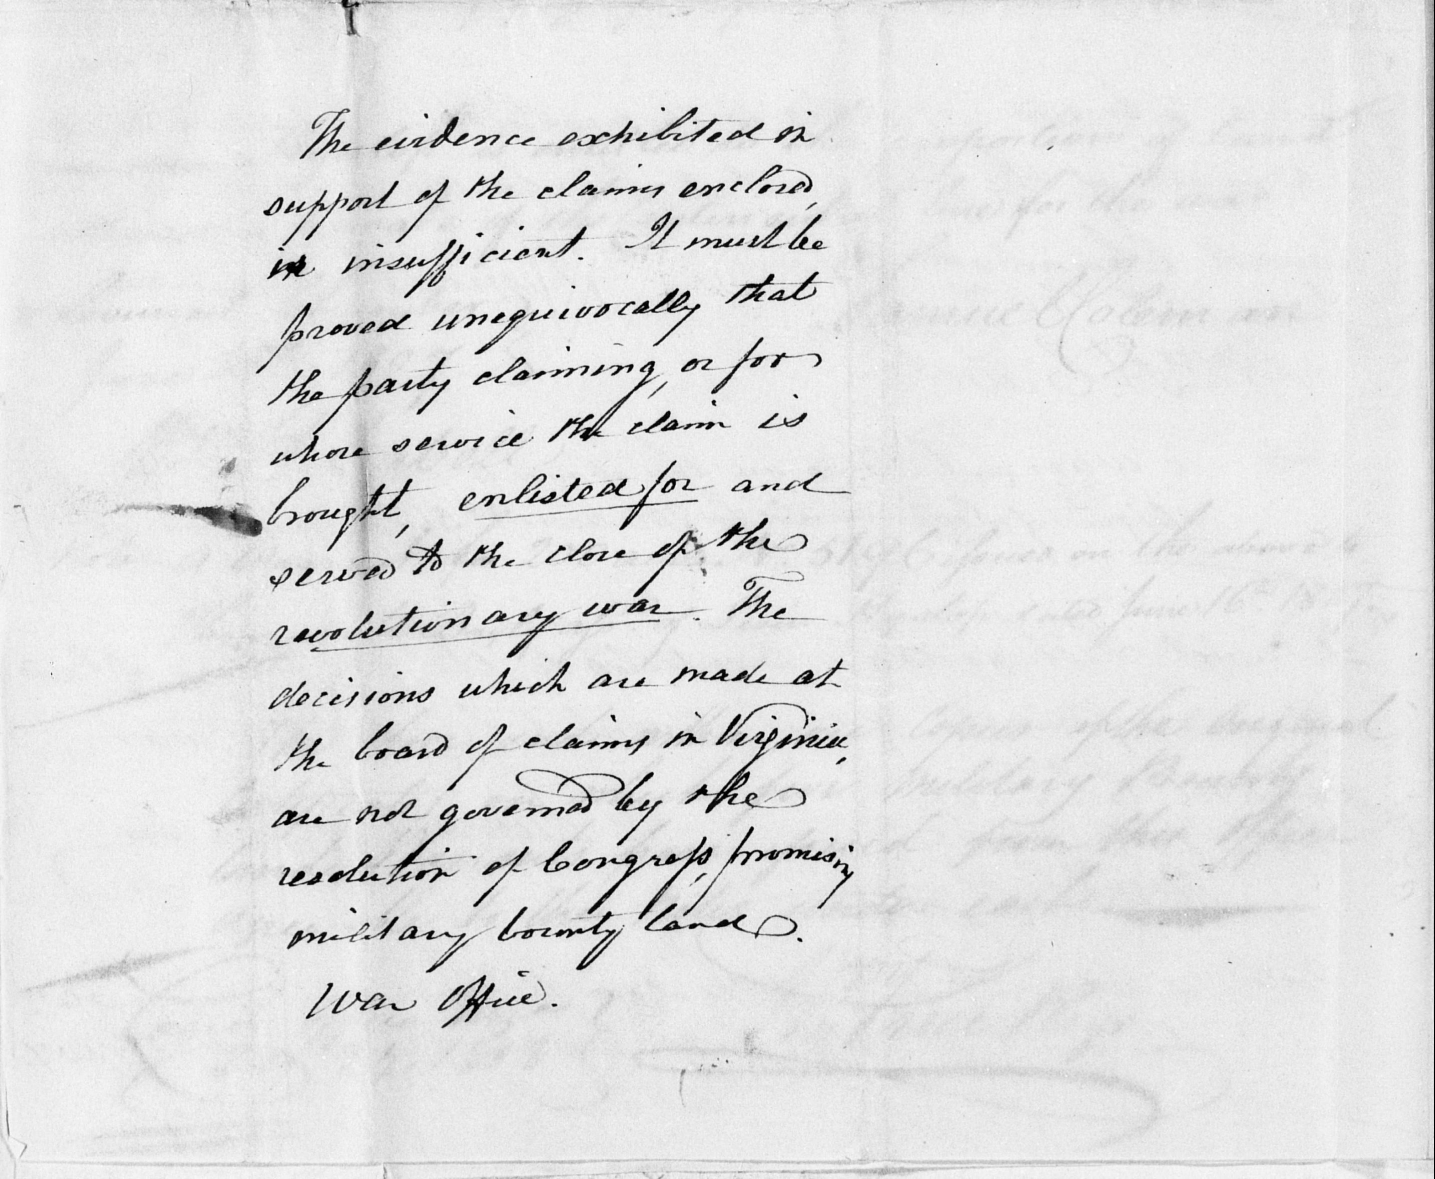The evidence exhibited in support of the claims enclosed is insufficient.  It must be proved unequivocally that the party claiming or for whose service the claim is brought, enlisted for and served to the close of the Revolutionary War.  The decisions which are made at the board of claims in Virginia, are not governed by the resolution of Congress promising military bounty land.
War Office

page: 24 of 27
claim: widow's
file: W 5624, Levi Annis, Va. Va. Sea Service